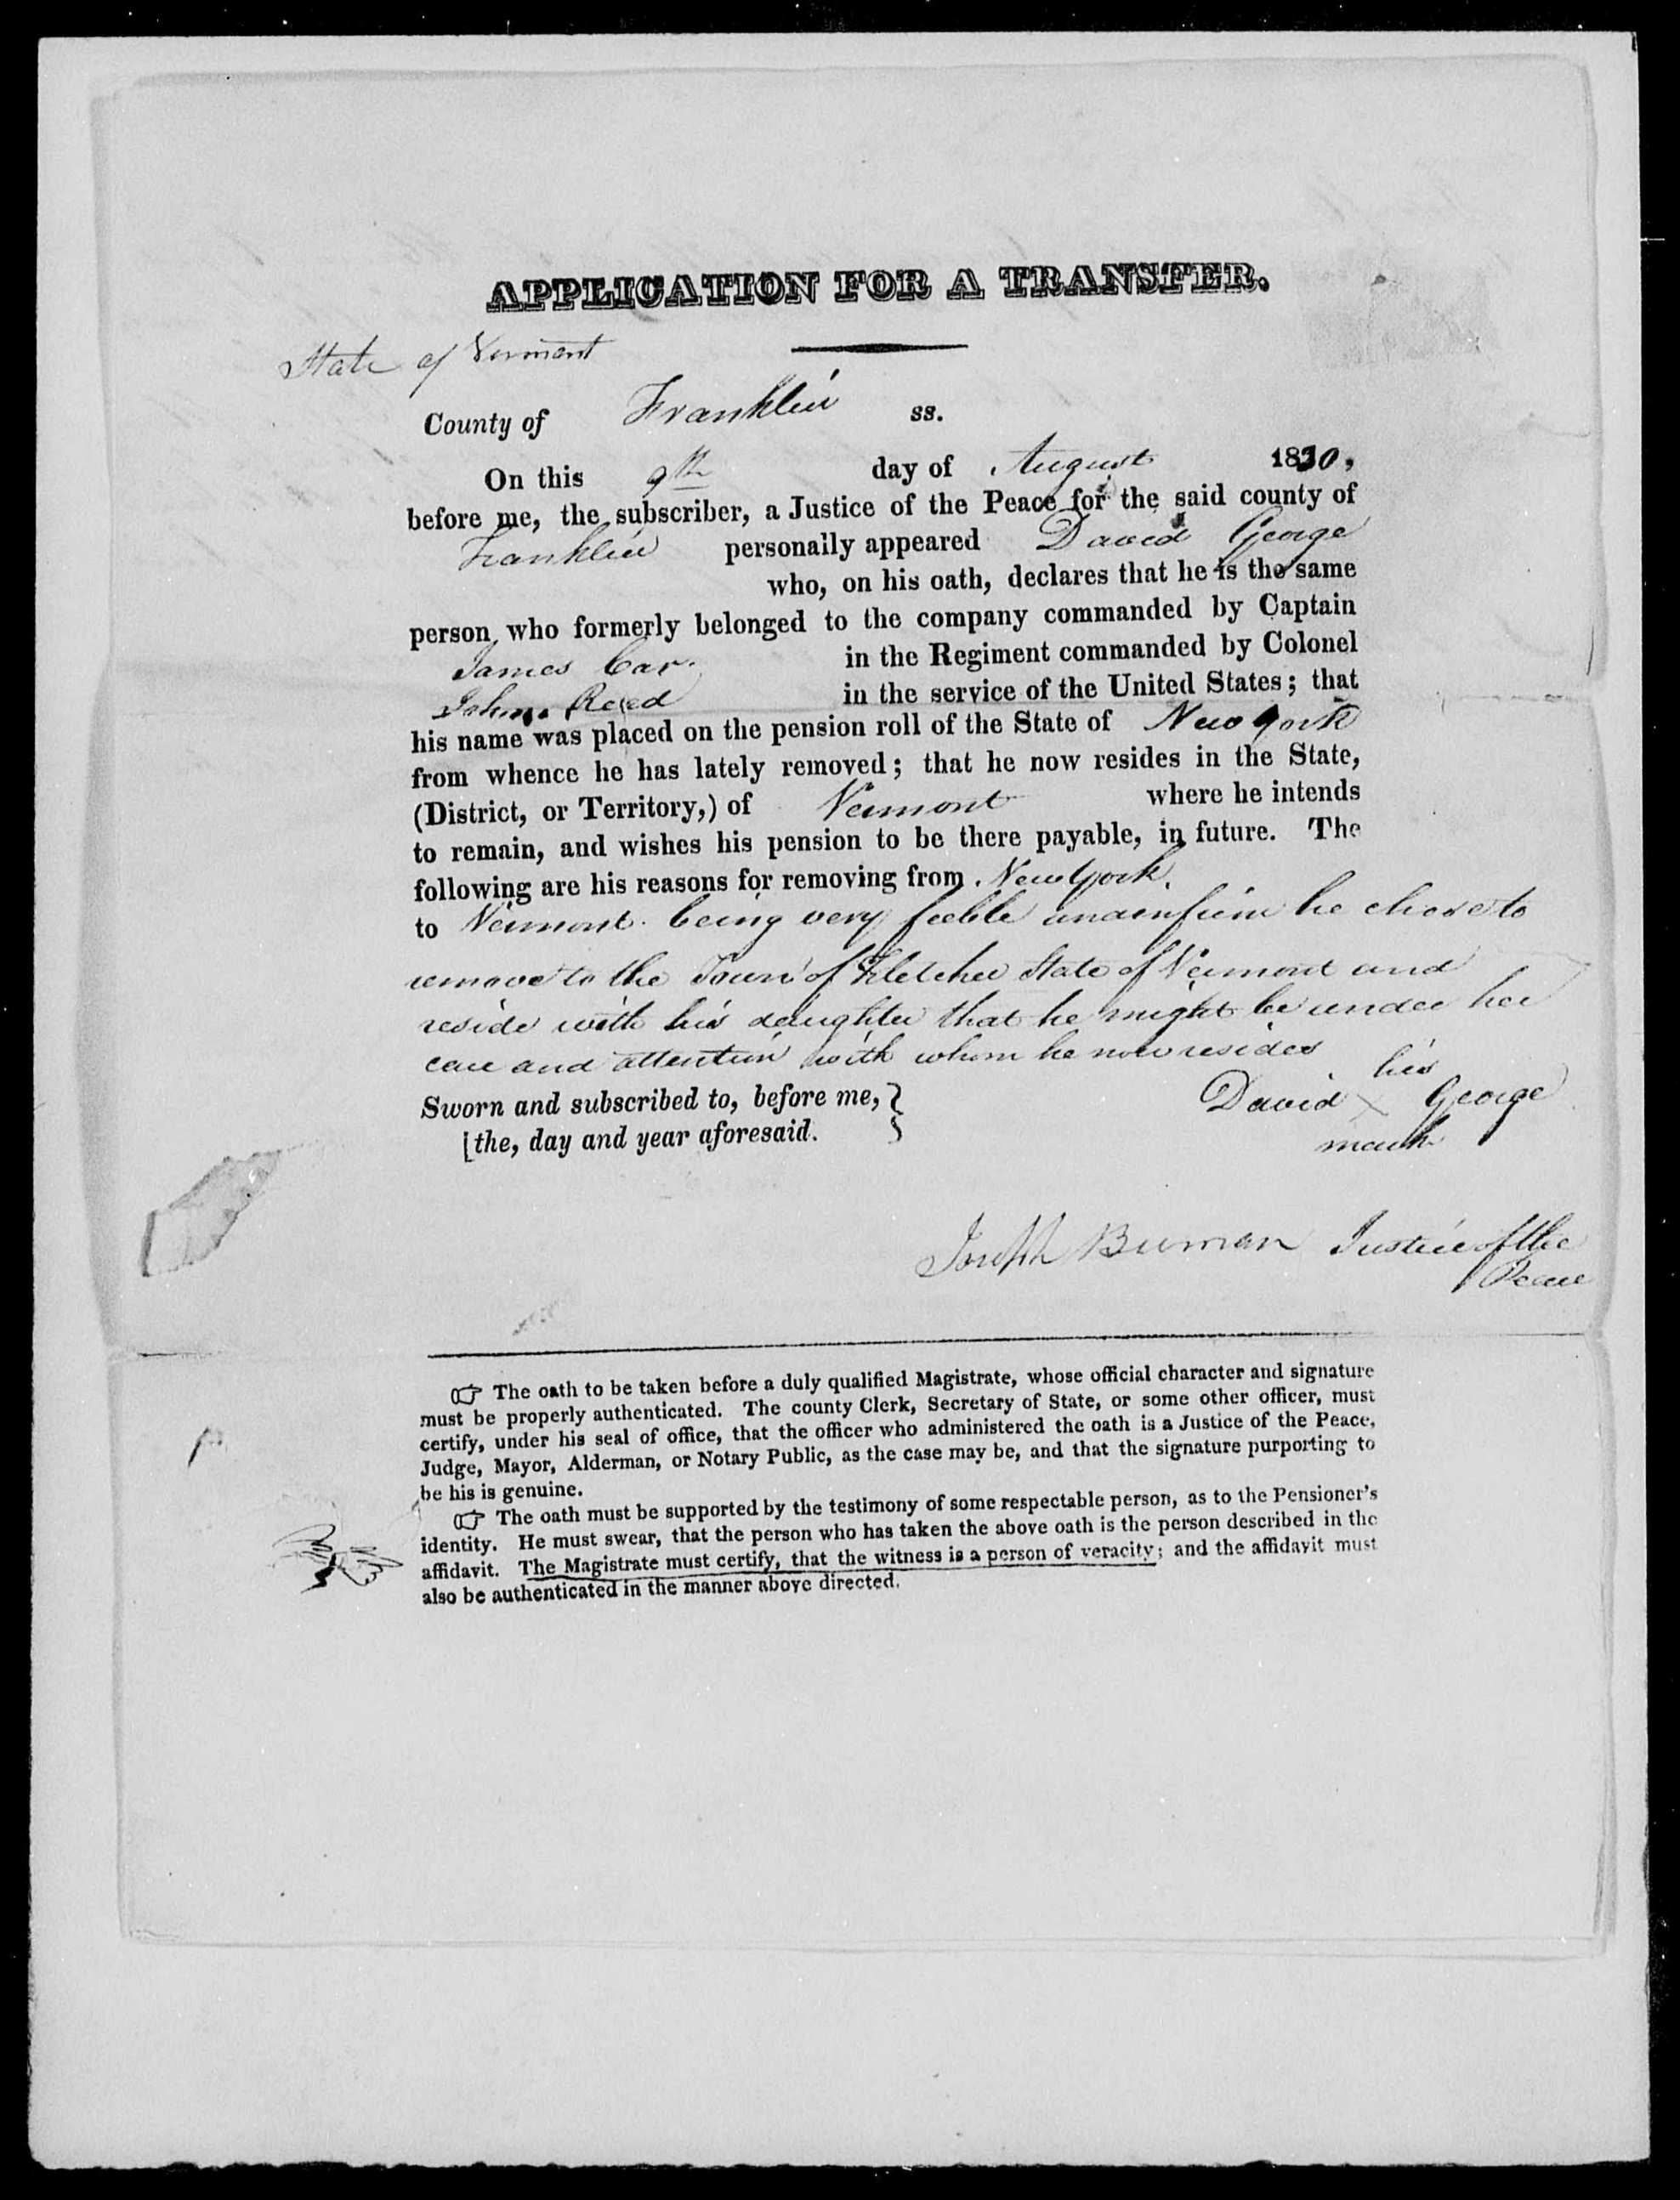APPLICATION FOR A TRANSFER
State of Vermont
County of Franklin ss.

On this 9th day of August 1820,
before me, the subscriber, a Justice of the Peace for the said county of Franklin
personally appeared David George
who, on his oath, declares that he is the same
person who formerly belonged to the company commanded by Captain James Carr
in the Regiment commanded by Colonel
John Reed in the service of the United States; that his name was placed on the pension roll of the State of New York from whence he has lately removed; that he now resides in the State, (District, or Territory,) of Vermont
where he intends to remain, and wishes his pension to be there payable, in future. The
following are his reasons for removing from New York to Vermont being very feeble and infirm he chose to remove to the Town of Fletcher State of Vermont and reside with his daughter that he might be under her
came and attention with whom he now resides

Sworn and subscribed to before me}
the day and year aforesaid}

(signed) David George (by his mark)

(signed) Joseph Burman Justice of the
Peace

The oath to be taken before a duly qualified Magistrate, whose official character and signature must be properly authenticated. The county Clerk, Secretary of State, or some other officer, must certify, under his seal of office, that the officer who administered the oath is a Justice of the Peace, Judge, Mayor, Alderman, or Notary Public, as the case may be, and that the signature purporting to be his is genuine.

The oath must be supported by the testimony of some respectable person, as to the Pensioner's identity. He must swear, that the person who has taken the above oath is the person described in the affidavit.  The Magistrate must certify, that the witness is a person of veracity; and the affidavit must
authenticated in the manner above directed.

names: James Car, David George, David George, Joseph Beeman, John Reed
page: 2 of 18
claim: survivor's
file: S. 39568, David George, N.H.